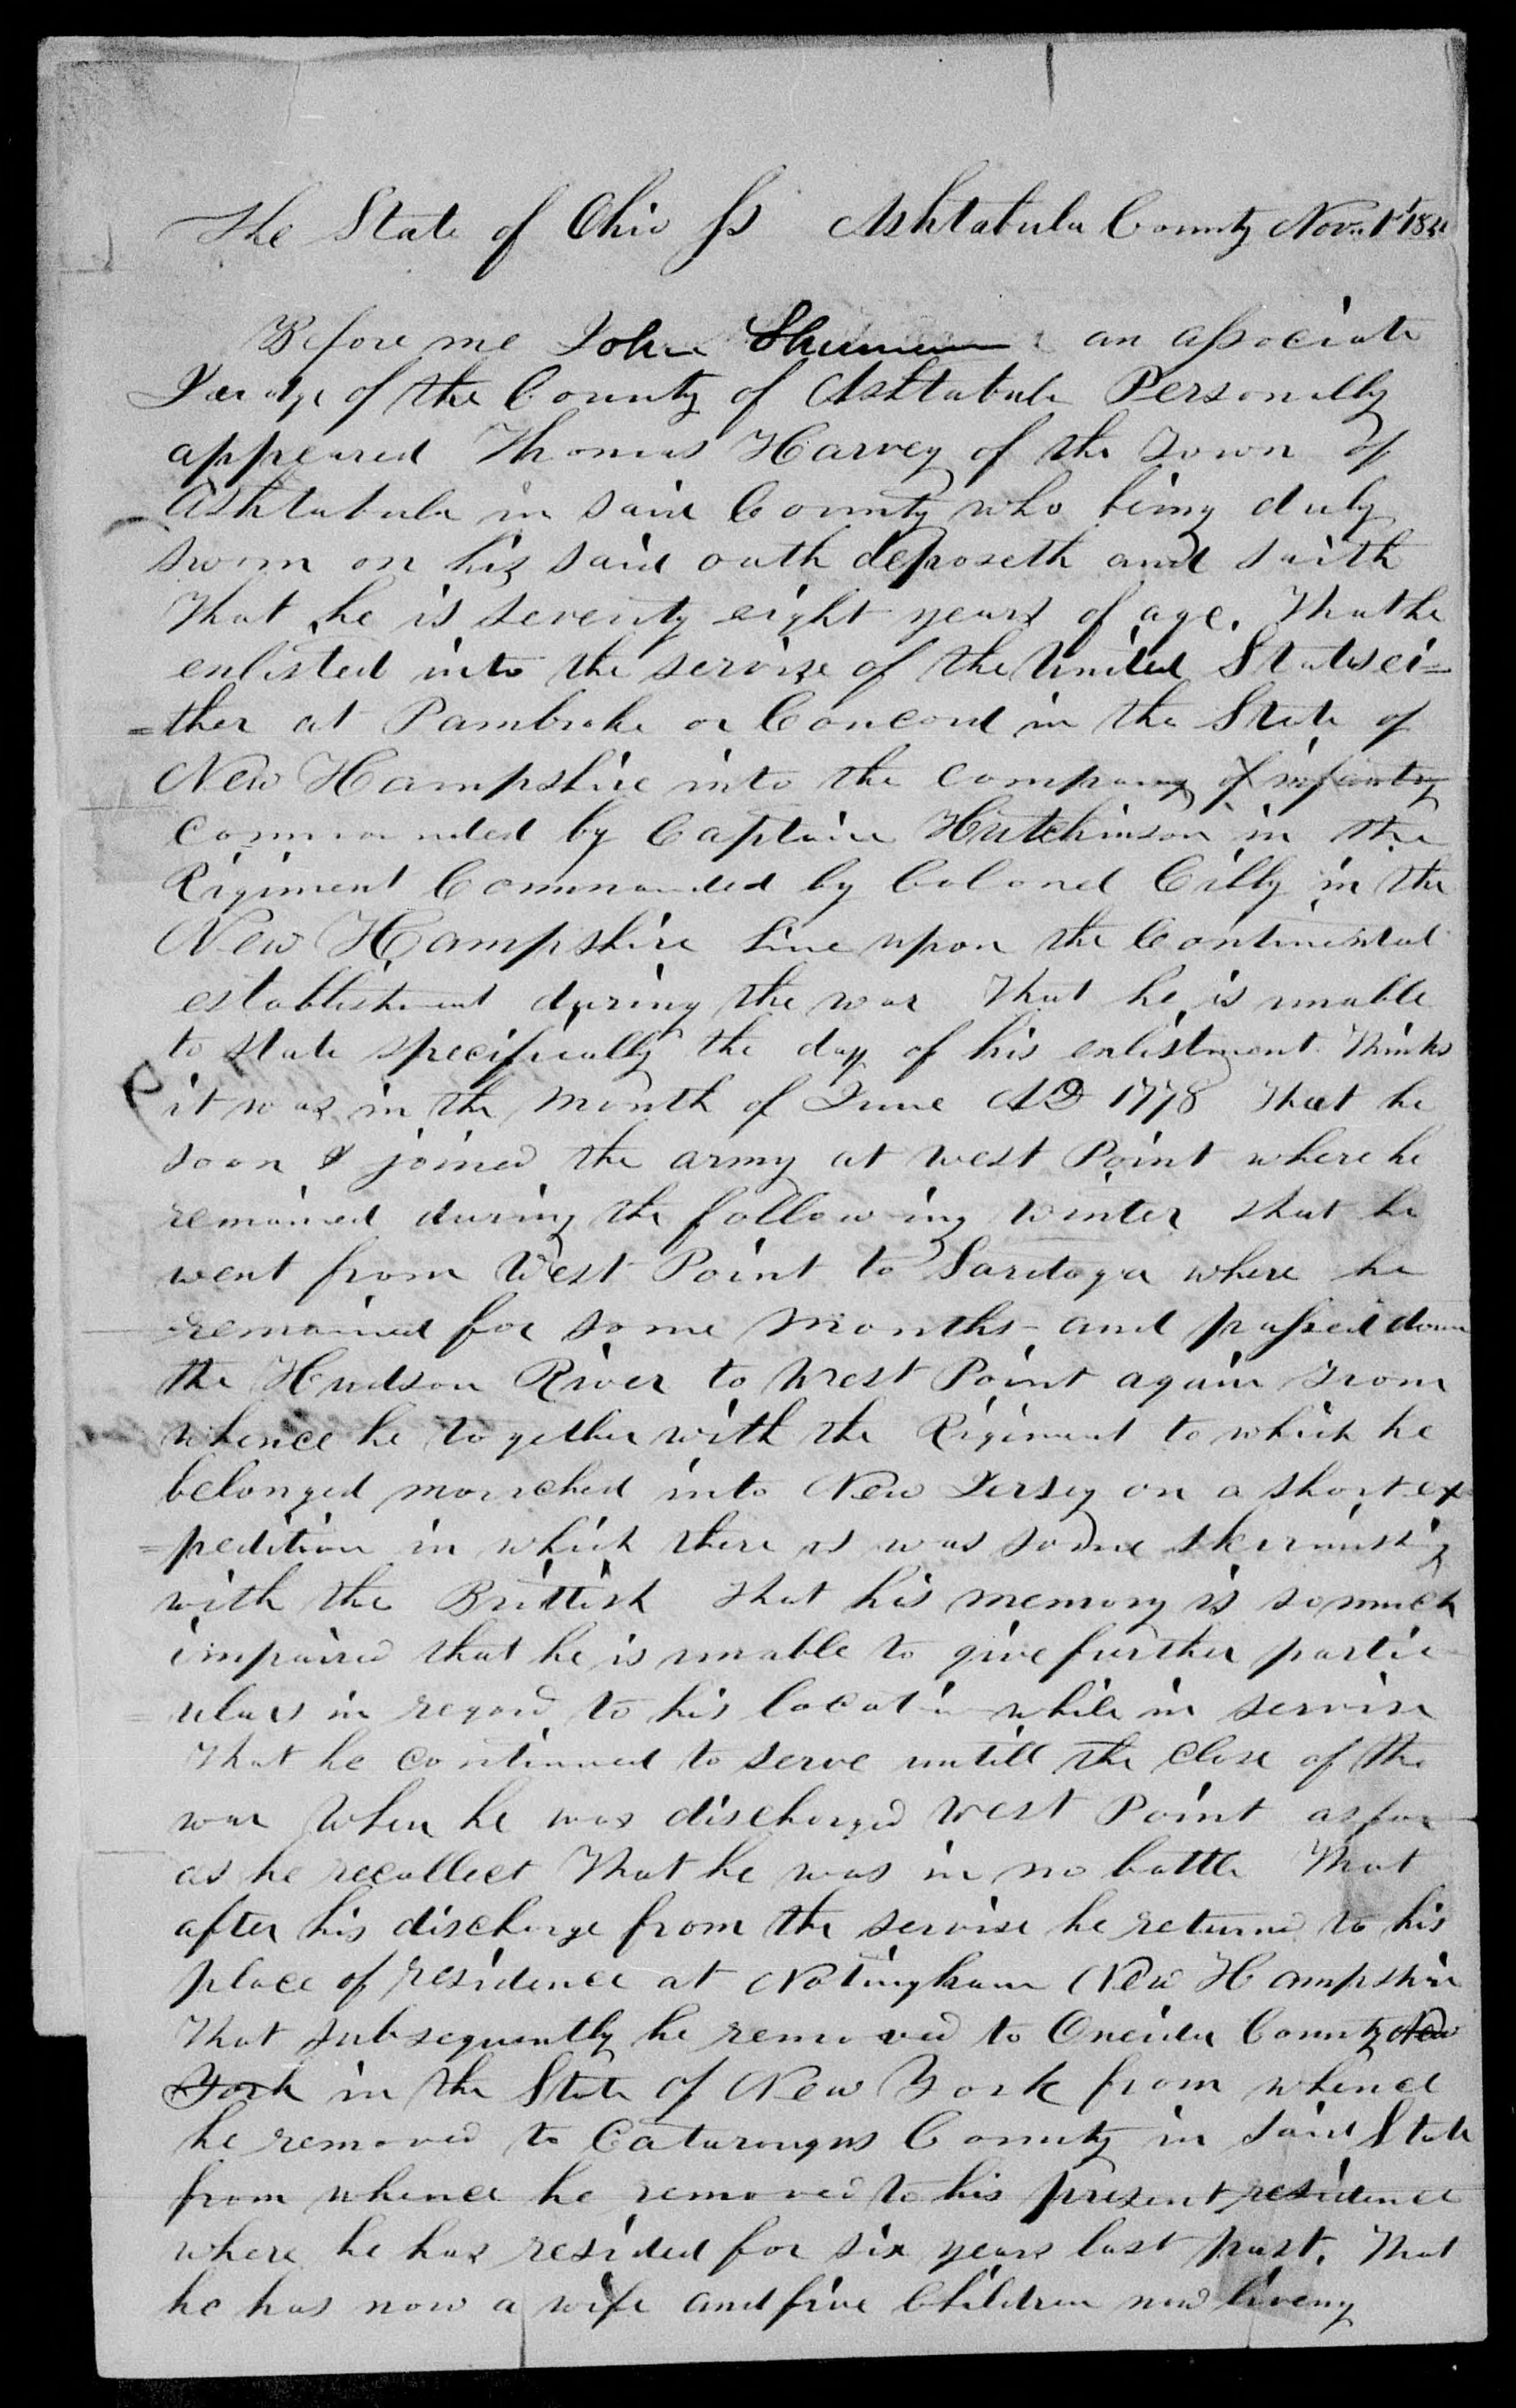The State of Ohio ss Ashtabula County Nov. 1st 1845
Before me John Sherman, an associate Judge of the County of Ashtabula Personally appeared Thomas Harvey of the Town of Ashtabula in said County who being duly sworn on his said oath deposeth and saith That he is seventy eight years of age. That he enlisted into the servise of the United States either at Pambroke (Pembroke) or Concord in the State of New Hampshire into the company of infantry commanded by Captain Hutchinson in the Regiment commanded by Colonel Cilley in the New Hampshire Line upon the Continental establishment during the war. That he is unable to state specifically the day of his enlistment thinks it was in the month of June AD 1778 That he soon joined the army at West Point to Saratoga where he remained for some months, and passed down the Hudson River to West Point again from whence he together with the Regiment to which he belonged marched into New Jersey on a short expedition in which there at was some skirmishes with the Brittish That his memory is so much impaired that he is unable to give further particulars in regard to his location while in servise 
That he continued to serve untill the close of the war when he was discharged West Point as far as he recollect That he was in no battle That after his discharge from the servise he returned to his place of residence at Nottingham New Hampshire 
That subsequently he removed to Oneida County ['New York' crossed out] in the State of New York from whence he removed to Cattaraugus County in said State from whence he removed to his present residence where he has resided for six years last past. That he has now a wife and five children now living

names: Cilly, John Sherman, Thomas Harvey, Hutchinson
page: 3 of 80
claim: survivor's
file: S. 18008, Thomas Harvey, N.H.